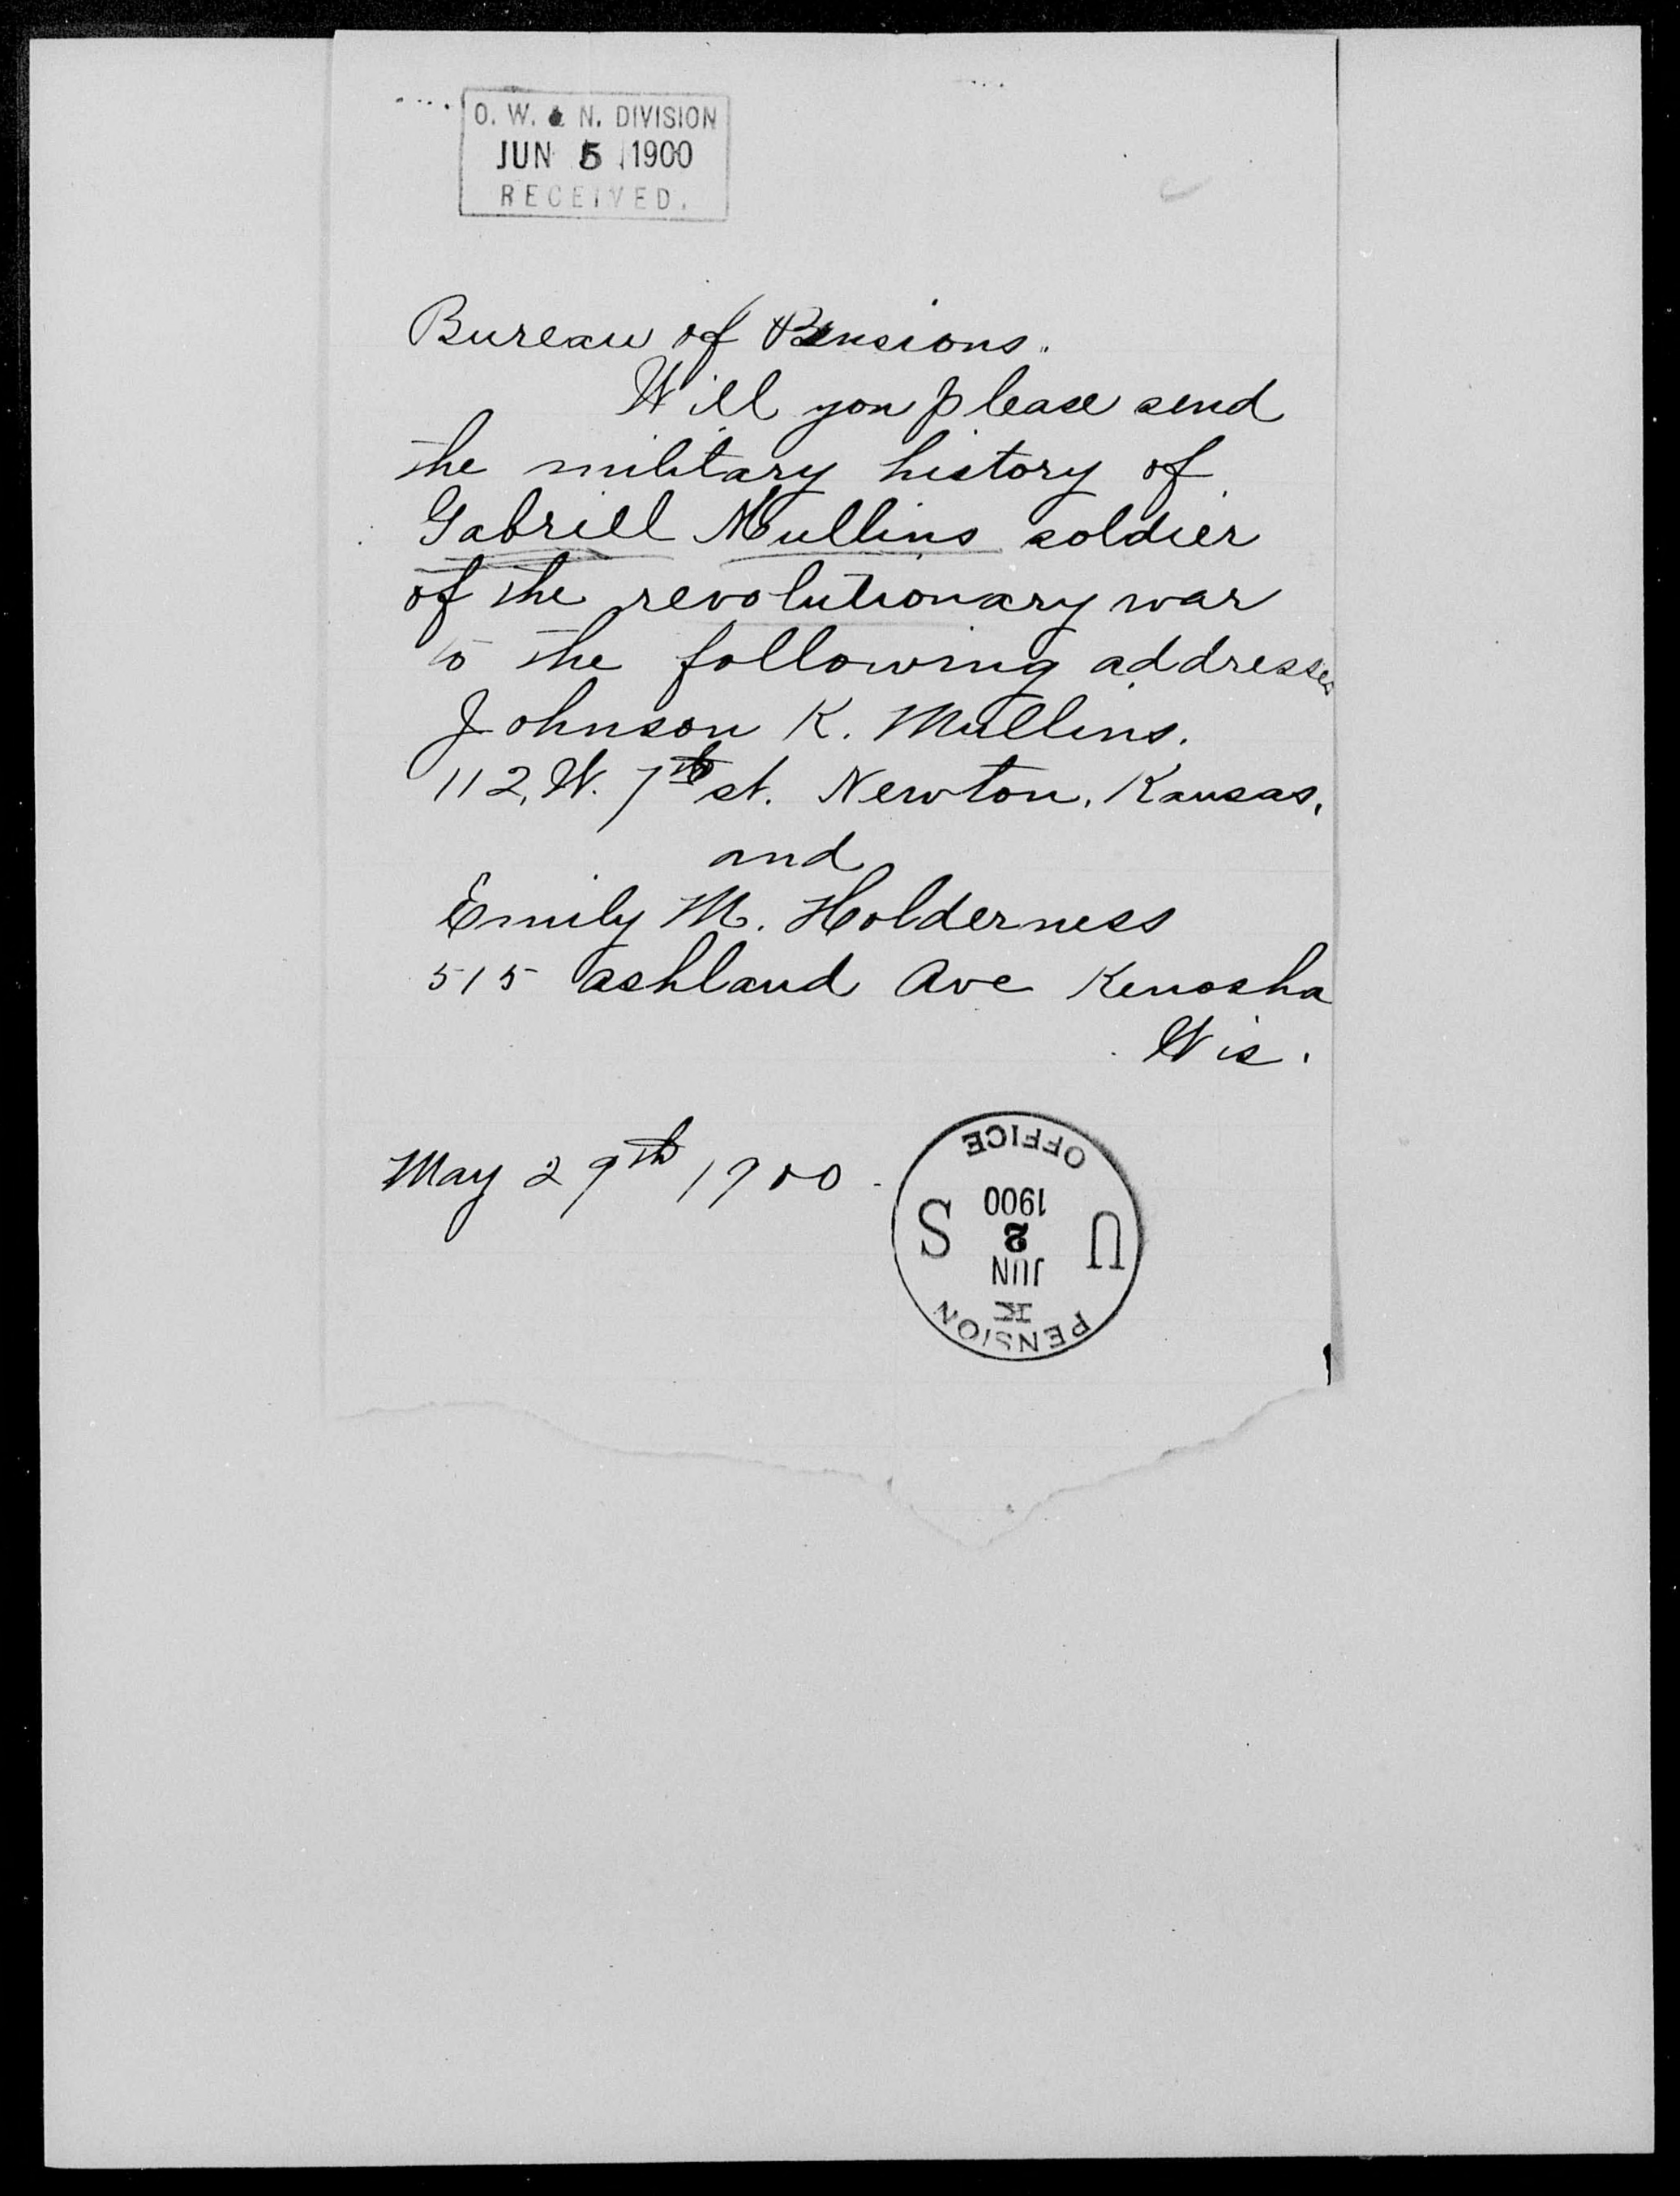[stamp:] {O. W. & N. DIVISION
              {JUN 5 1900
              {RECEIVED.

Bureau of Pensions,
   Will you please send
the military history of
Gabriel Mullins soldier
of the revolutionary war
to the following addresses
Johnson K. Mullins
112,W. 7th St. Newton, Kansas,
and
Emily M. Holderness
515 Ashland Ave Kenosha
                               Wis.
May 29th 1900
  

   [stamp:] U.S.PENSION OFFICE JUN 8 1900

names: Gabriel Mullins; Emily M Holderness; Johnson K Mullins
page: 26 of 34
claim: survivor's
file: S. 30608, for Gabrel Mullins, Virginia